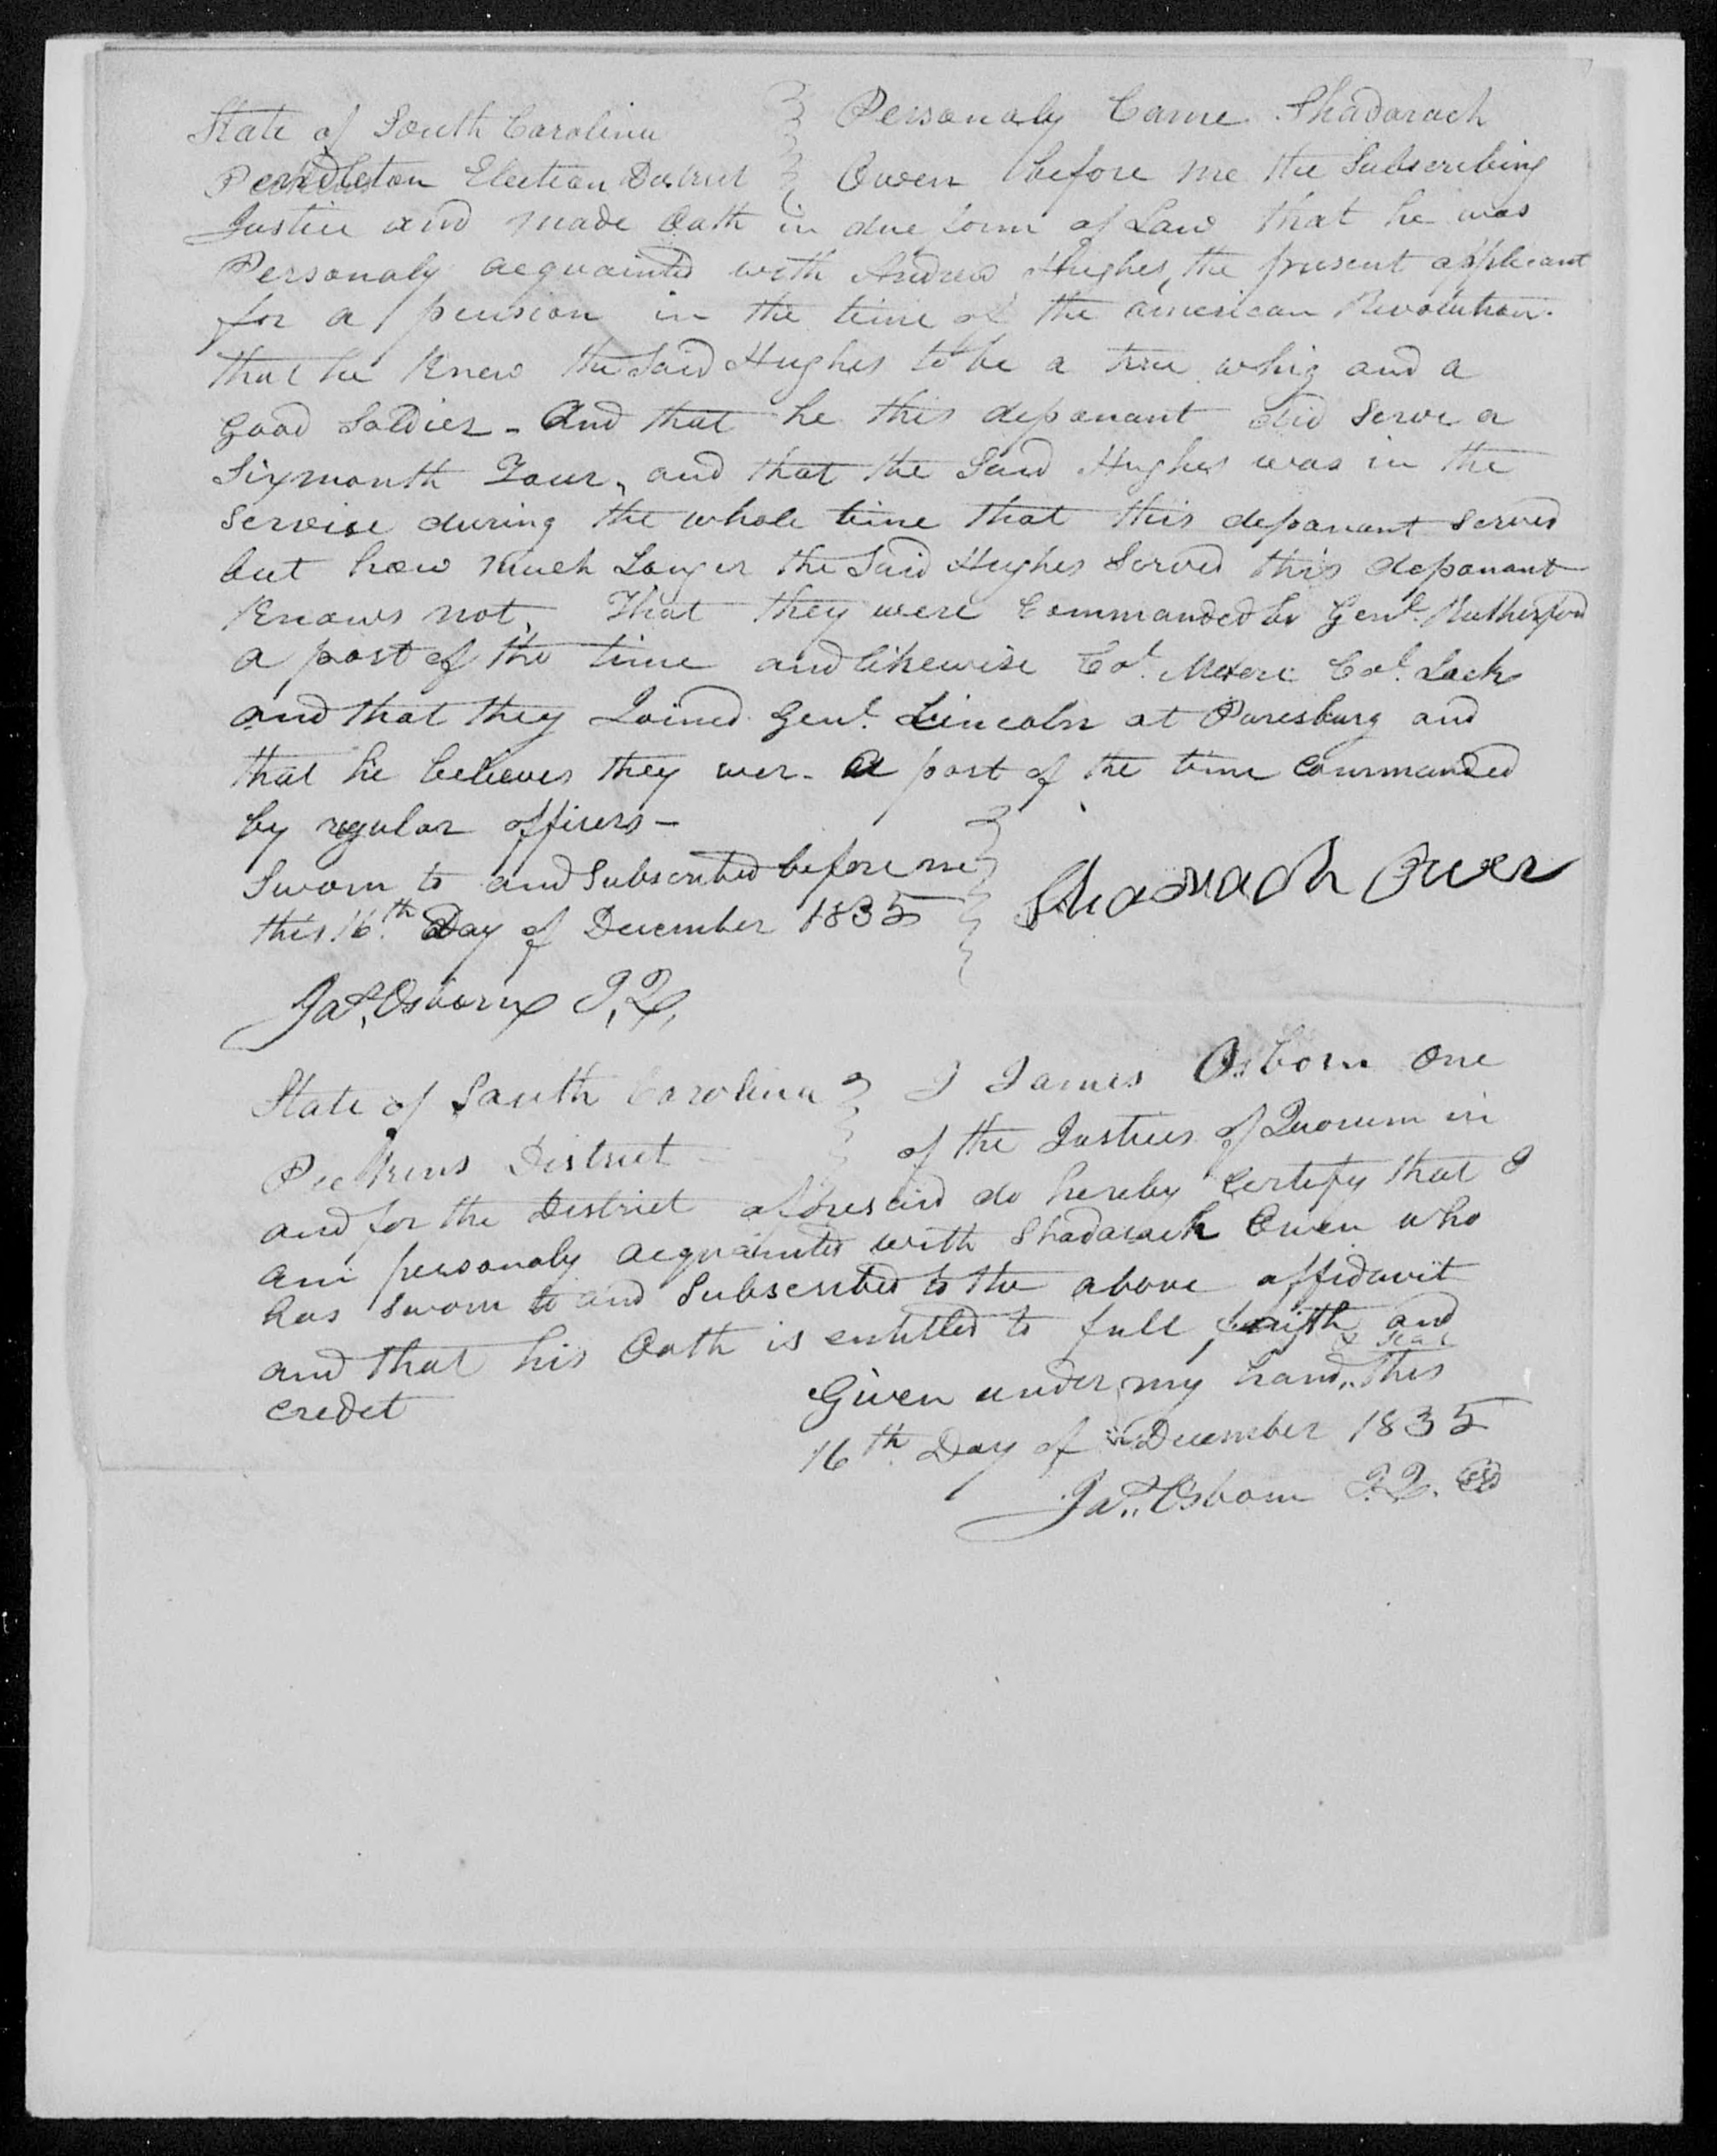State of South Carolina
Pendleton Election District
Personally came Shadrach
Owen before me the Subscribing
Justice and made oath in due form of Law that he was Personally acquainted with Andrew Hughes, the present applicant
for a pension in the time of the american Revolution
that he knew the said Hughes to be a true whig and a good Soldier - and that he this deponent did serve a
Six month Tour, and that the said Hughes was in the
service during the whole time that this deponent served
but how much longer the said Hughes served this deponent
knows not, that they were commanded by Genl Rutherford
a post of the time and likewise Col Mexere Col Lack
and that they joined Genl Lincoln at Puresburg and 
that he believes they wer. A part of the time commanded
by regular officers-
Sworn to and subscribed before me
this 16th Day of December 1835
Jas. Osborn J.Q. 
Shadrach Owen

State of South Carolina 
Pickens District
I James Osborn one of the Justices of Quorum in and for the District aforesaid do hereby certify that I and personally acquainted with Shadrach Owen who has sworn to and subscribed to the above affidavit
and that his Oath is entitled to full faith and
Credit
Given under my hand, this
16th Day of December 1833
Jas Osborn J.Q. [seal]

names: James Osborn, Andrew Hughes, Lack, Lincoln, Shadarach Owen, Mexere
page: 63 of 75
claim: widow's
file: W. 25805, Andrew Hughes, N.C.